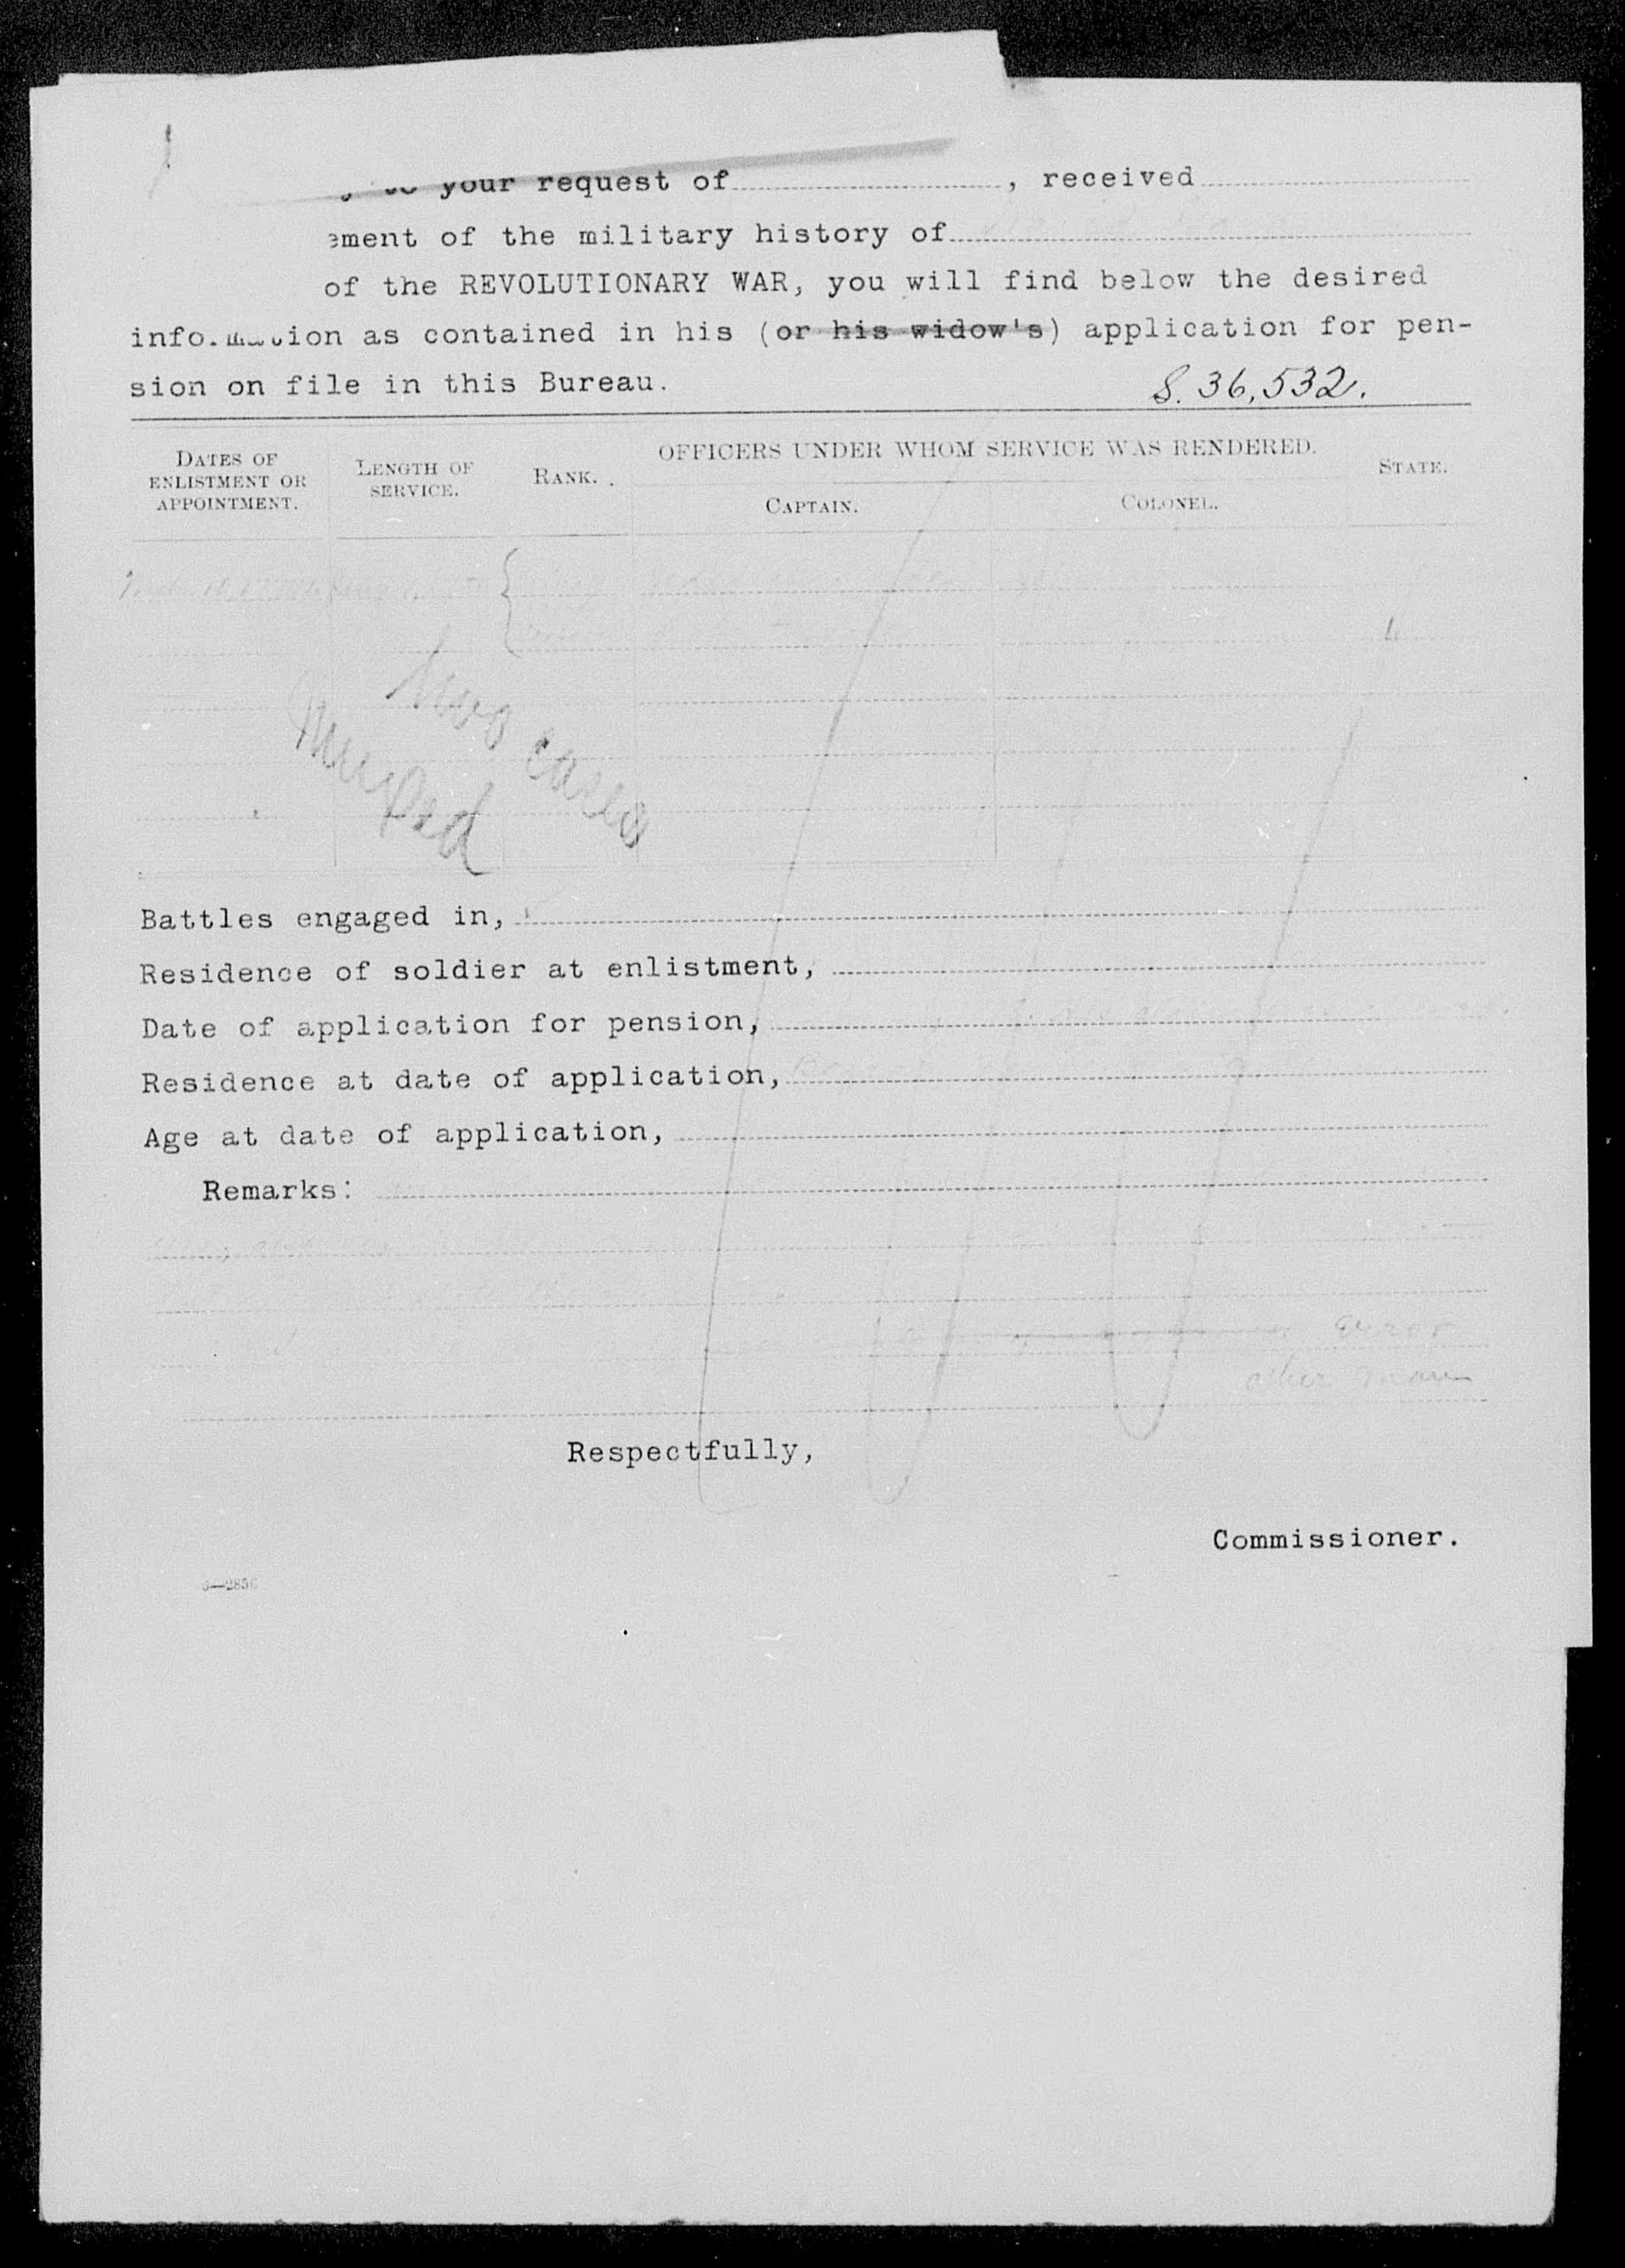your request of ----received --- for a statement of the military history of David gardner of the Revolutionary War, you will find below the desired information as contained in his (or his widow's [crossed out]) application for pension on file in this Bureau. S. 36,532.
1st column
Dates of Enlistment or Appointment
2nd column
Length of Service
3rd column
Rank
Officers Under whom Service was Rendered
4th column
Captain
5th column
Colonel
6th column
State

Two cases merged

Battles engaged in, 
Residence of soldier at enlistment, 
Date of application for pension, 
Residence at date of application, 
Age at date of application
Remarks,
Respectfully, Commissioner.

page: 38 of 66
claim: widow's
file: W 1850, David Gardner, Conn.